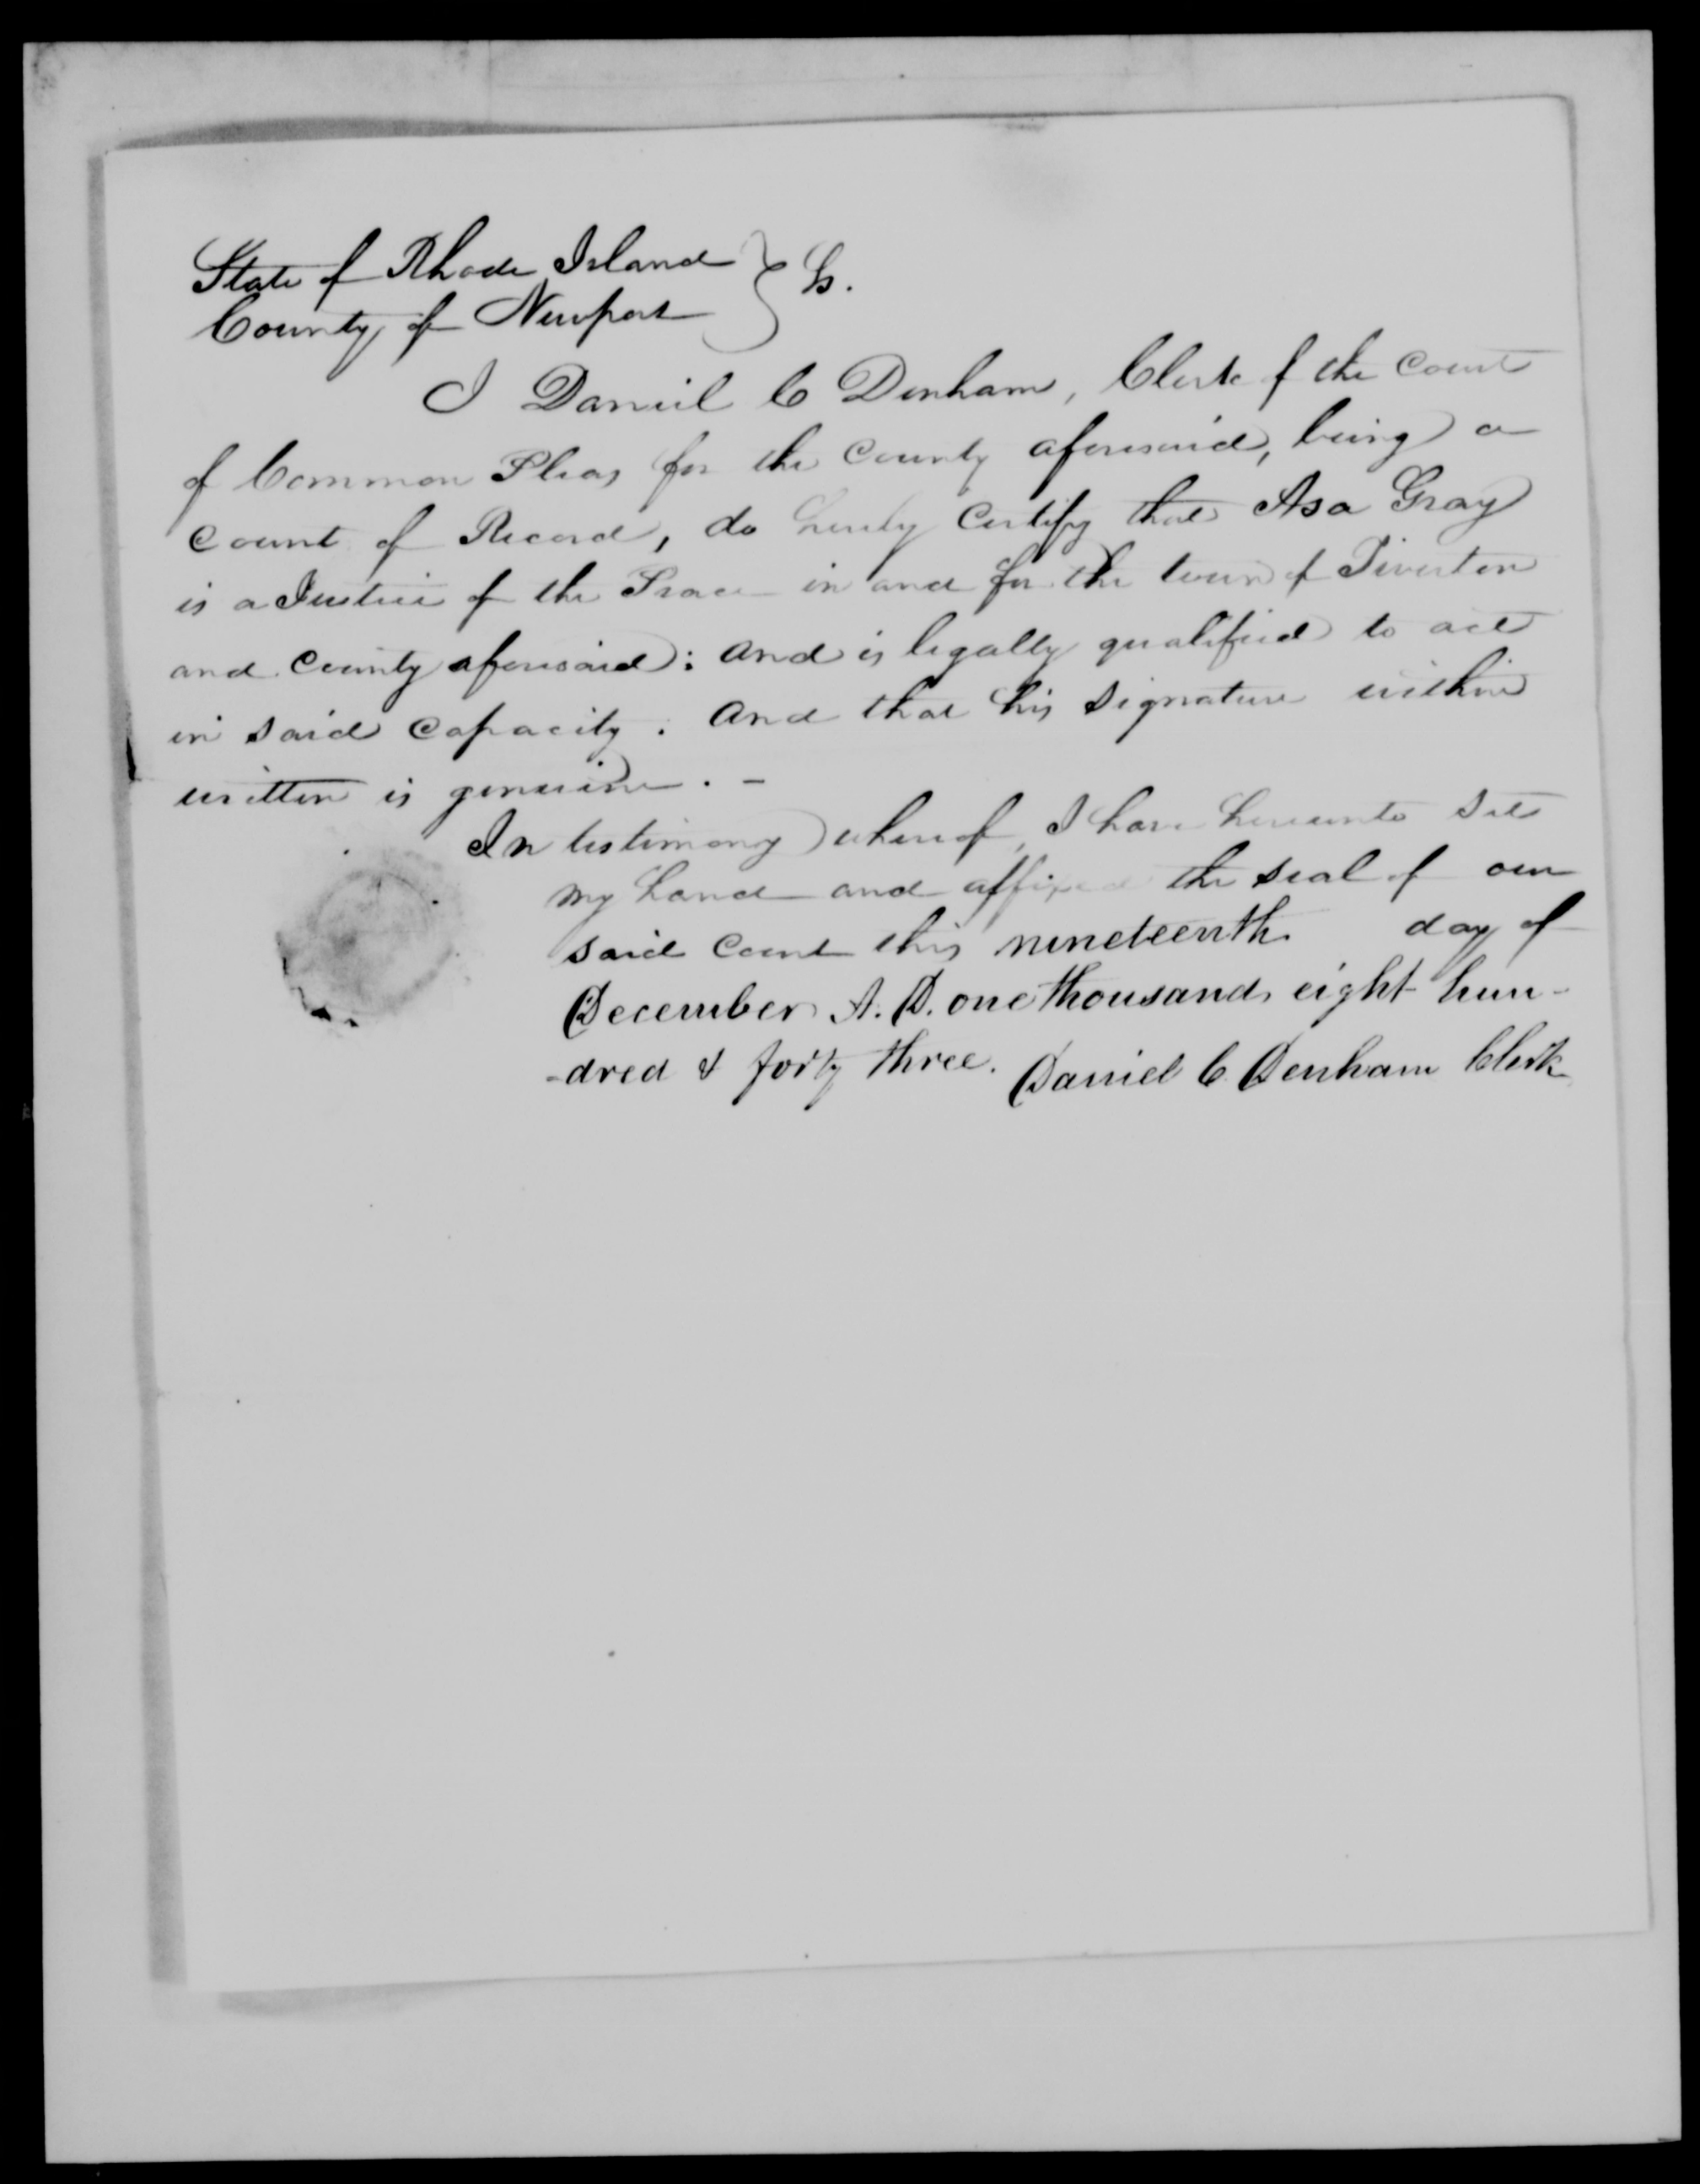State of Rhode Island ⎬
County of Newport
I Daniel C Dunham, Clerk of the Court
of Common Pleas for the County aforesaid, being a
Court of Record, do hereby certify that Asa Gray
is a Justice of the Peace: in is for the town of Tiverton
and County aforesaid: and is legally qualified to act
in said capacity. and that his signature within
written is genuine.-
In testimony whereof I have hereunto set
my hand and affixed the seal of our
said Court this nineteenth
December A.D. one thousand eight hundred & forty three.
[seal imprinted on page]
 Daniel C Denham Clerk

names: Daniel C Denham, Asa Gray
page: 27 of 39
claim: widow's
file: W. 26046, Thomas Willcox, R.I.